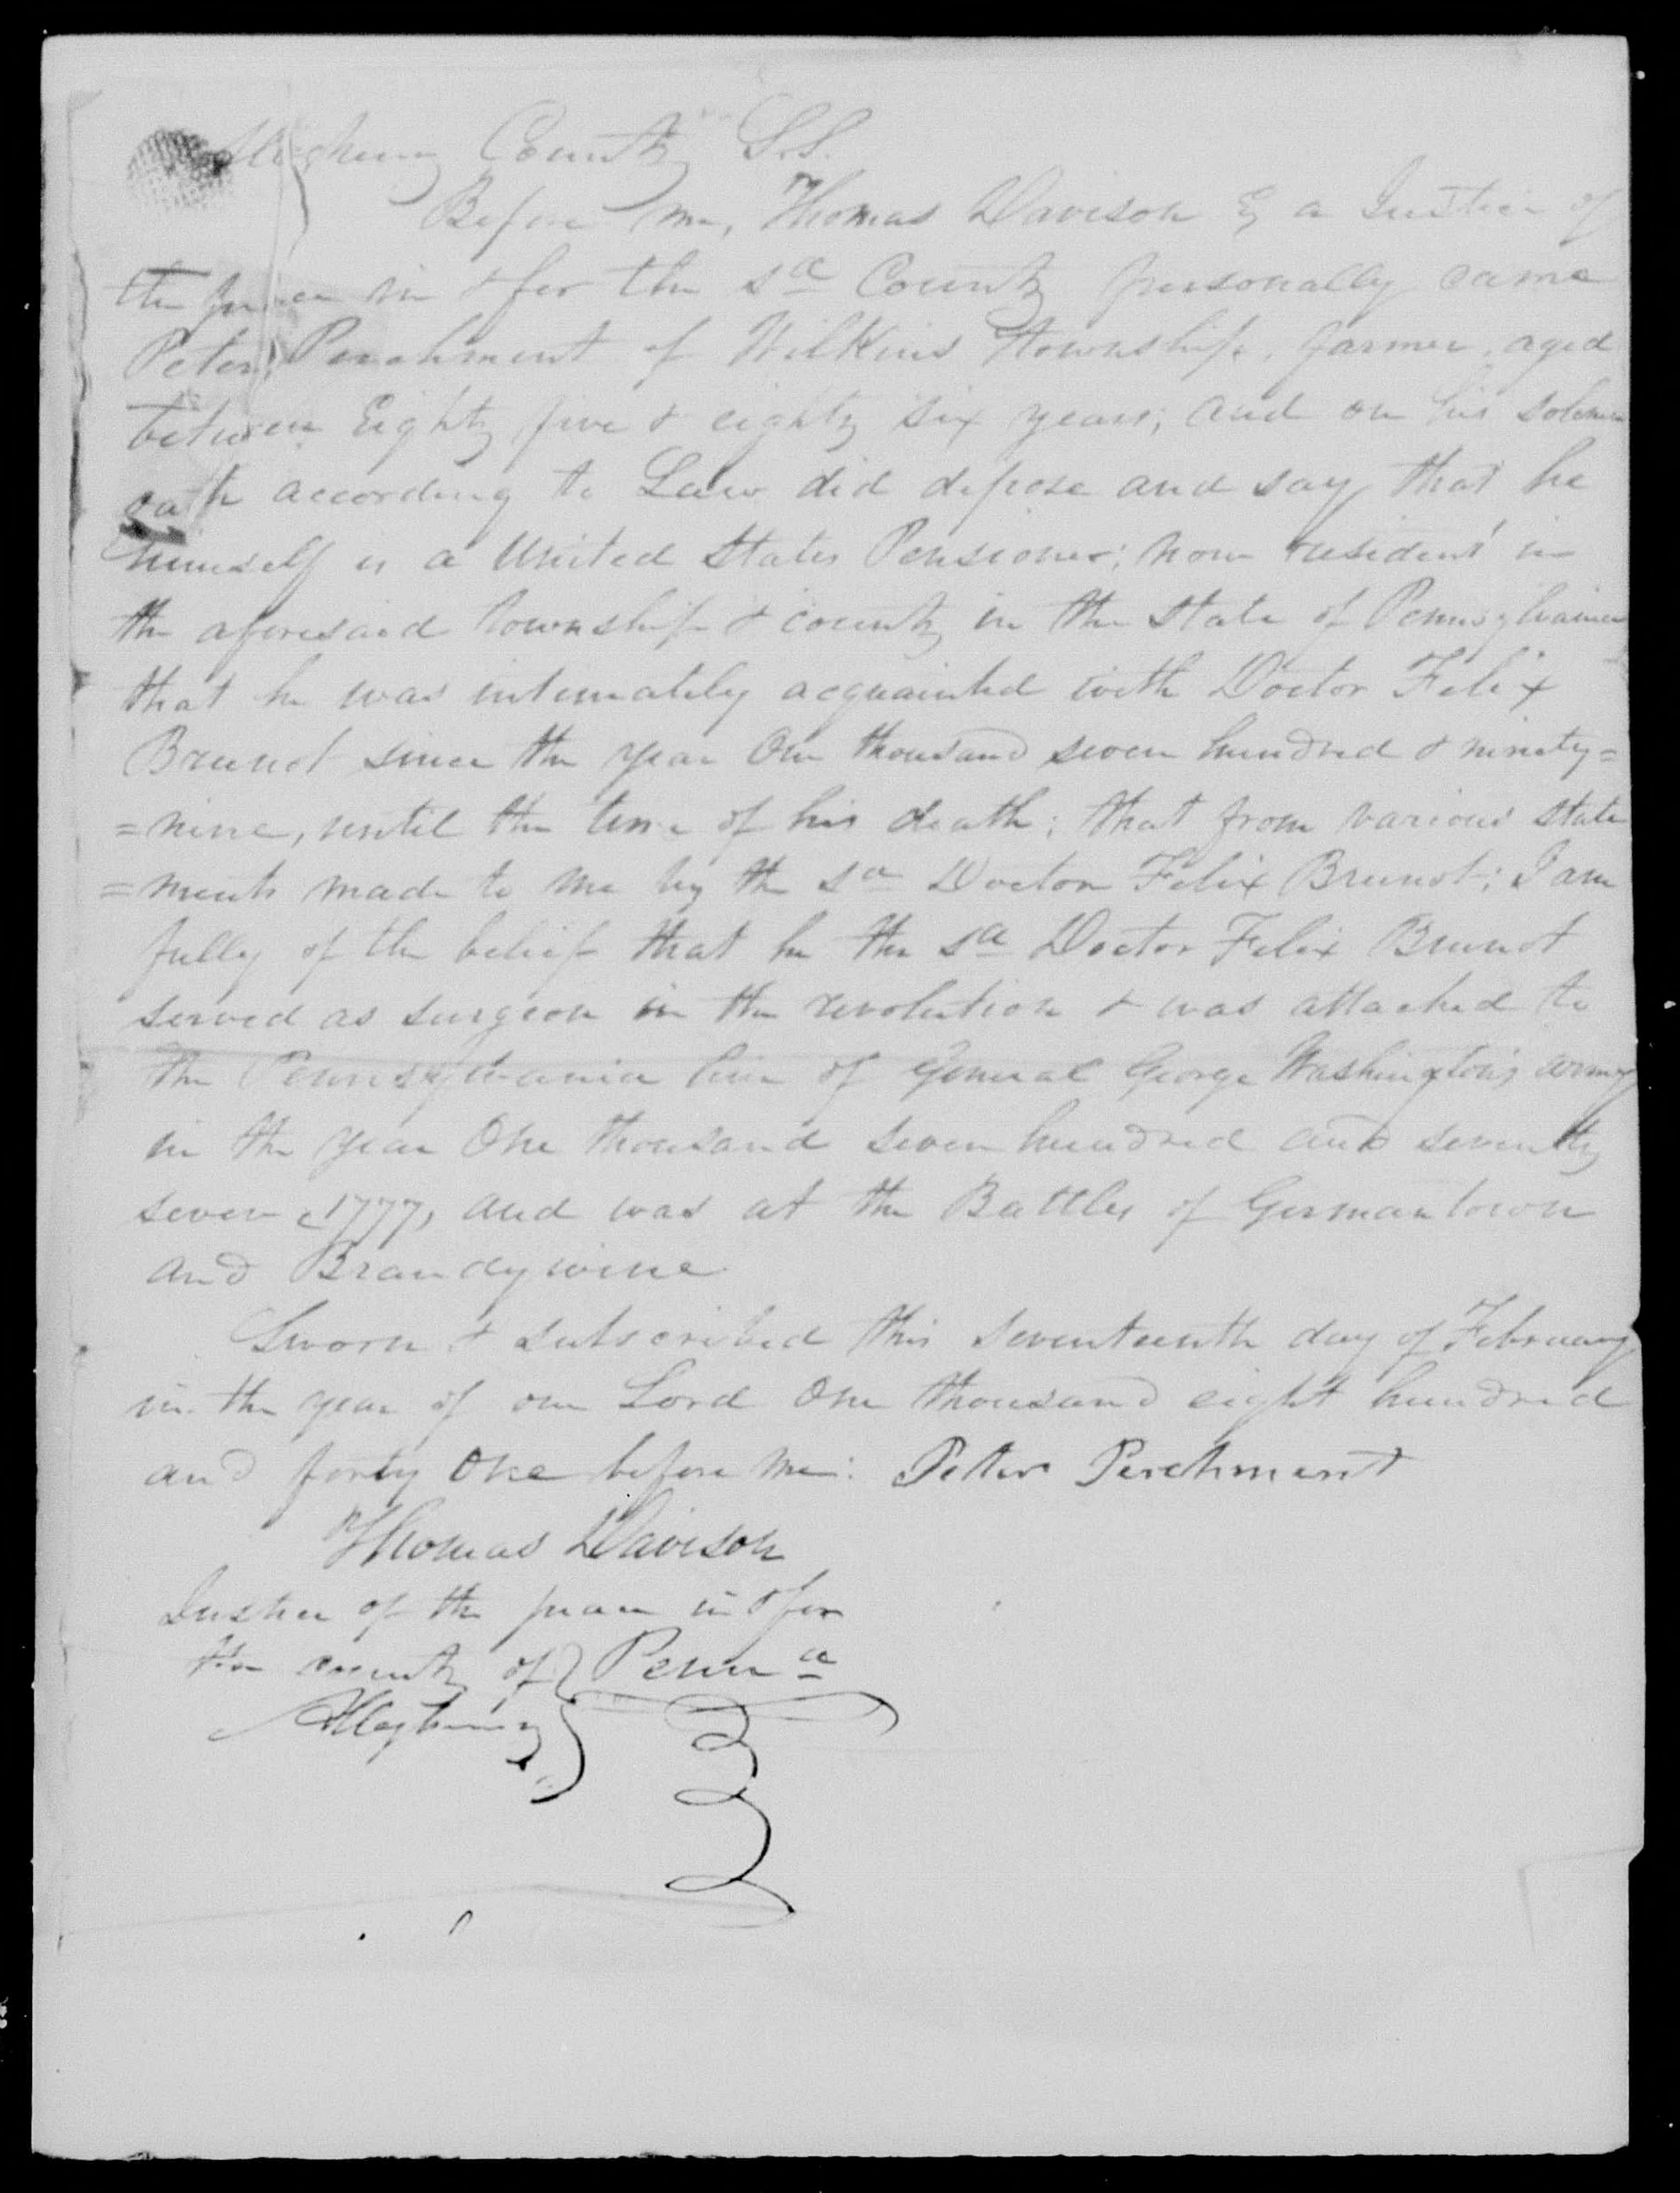Allegheny County SS
  Before me, Thomas Davison, a Justice of the [illegible] for the [illegible] County personally came Peter Perchment of Wilkins township, farmer aged between eighty five & eighty six years; and on his solemn oath according to the Law did depose and say that he himself is a United States Pensioner; now resident in the aforementioned township & county in the State of Pennsylvania that he was intermittently acquainted with Doctor Felix Brunot since the year One thousand seven hundred & ninety-nine, until the time of his death; that from various state-ments made to me by the sa. Doctor Felix Brunot served as surgeon in the revolution & was attached to the Pennsylvania line of General George Washington's army in the year One Thousand seven hundred and seventy seven (1777) and was at the Battles of Germantown and Brandywine.
    Sworn & subscribed this seventeenth day of February in the year of our Lord One thousand eight hundred and forty one before me: Peter Perchment
Thomas Davison
Justice of the peace in [illegible]
the county of Allegheny Penna.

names: George Washington, Felix Brunot, Thomas Davison, Peter Perchment, Thomas Davison, Felix Brunot, Felix Brunot, Peter Perchment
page: 12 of 34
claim: rejected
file: R. 1371, Felix Brunot, Penn.